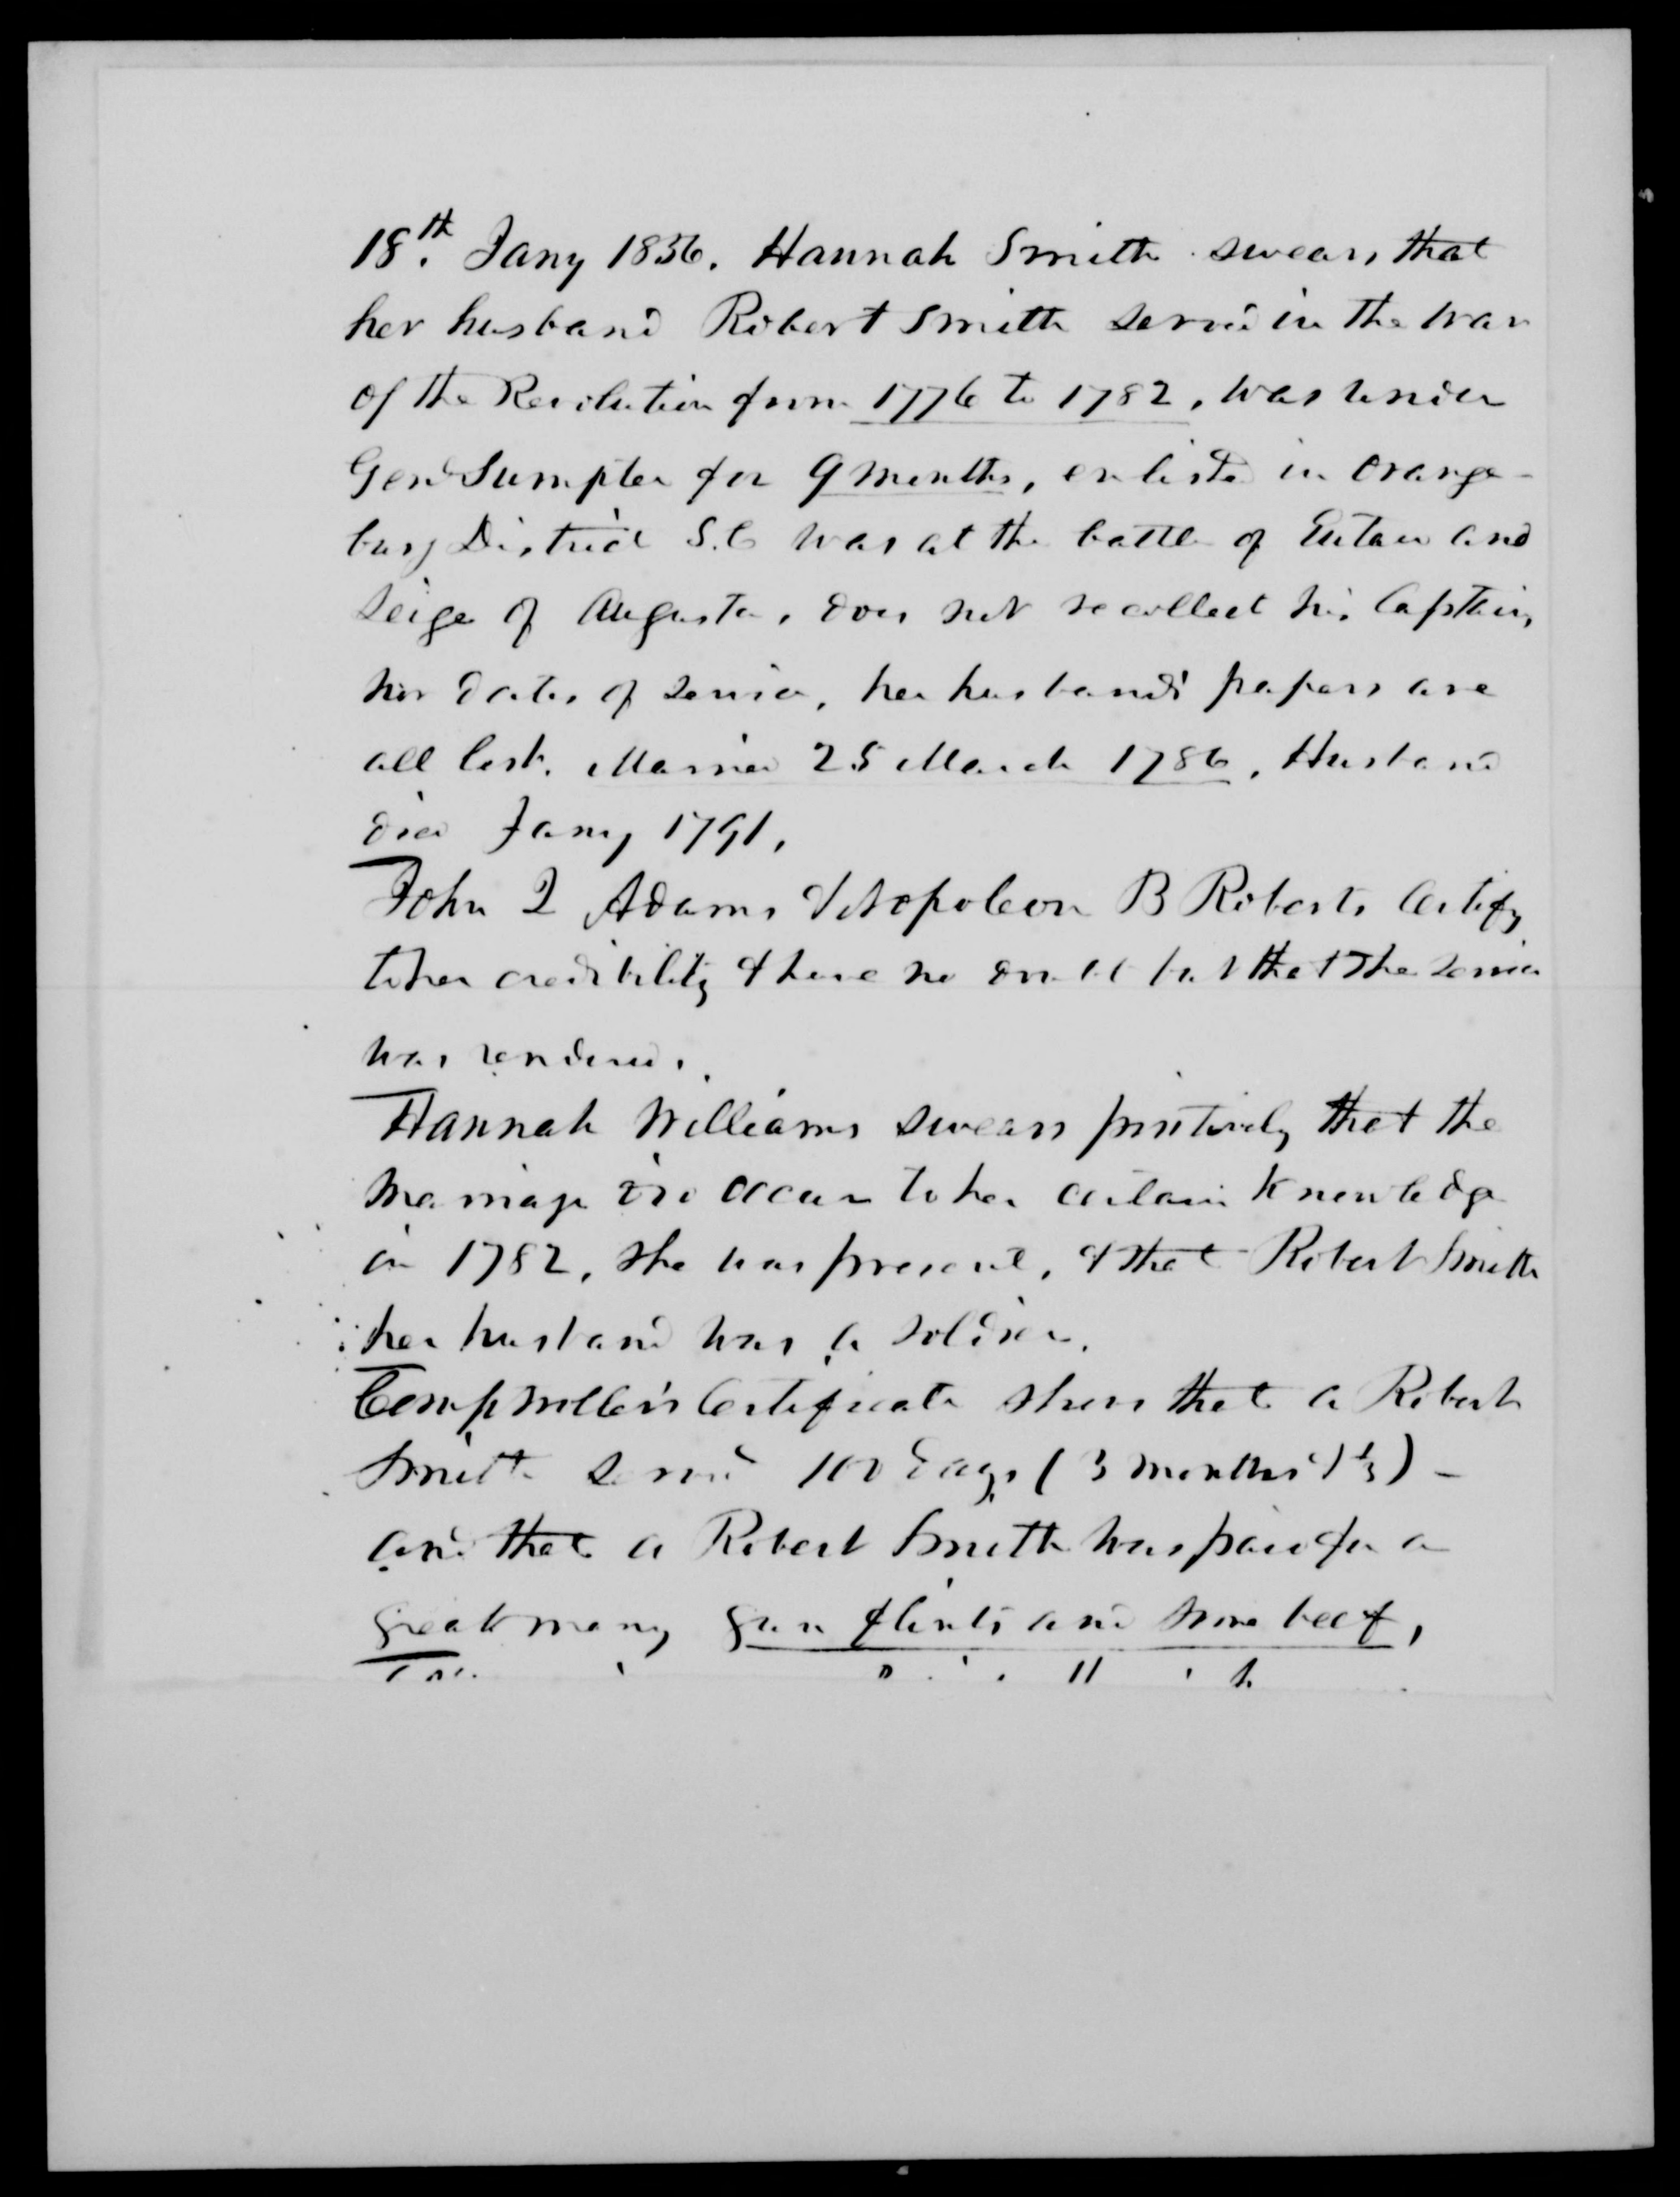18th Jany 1856.

Hannah Smith swears that her husband Robert Smith served in the war of the Revolution from 1776 to 1782, was under Genl Sumpter for 9 months, enlisted in Orangeburg District S.C. ; was at the battle of Eutaw and seige of Augusta; does not recollect his Captain nor dates of service.  her husband's papers are all lost. Married 25 March 1786; Husband died Jany 1791.

John Q Adams & Napoleon B Roberts Certify to her credibility & have no doubt that the service was rendered

Hannah Williams swears positively that the Marriage did occur to her certain knowledge in 1782, she was present, & that Robert Smith, her husband was a soldier

Comptroller's Certificate shows that a Robert Smith served 100 days (3 months  +) and that a Robert Smith was paid for a great many gun flints and some beef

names: John Roberts; Robert Smith; Hannah Williams; Robert Smith; Robert Smith; [BLANK] Sumpter; Napoleon B Roberts; Adam Roberts; Robert Smith; Hannah Smith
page: 11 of 28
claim: rejected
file: R. 9744, for Robert Smith, South Carolina